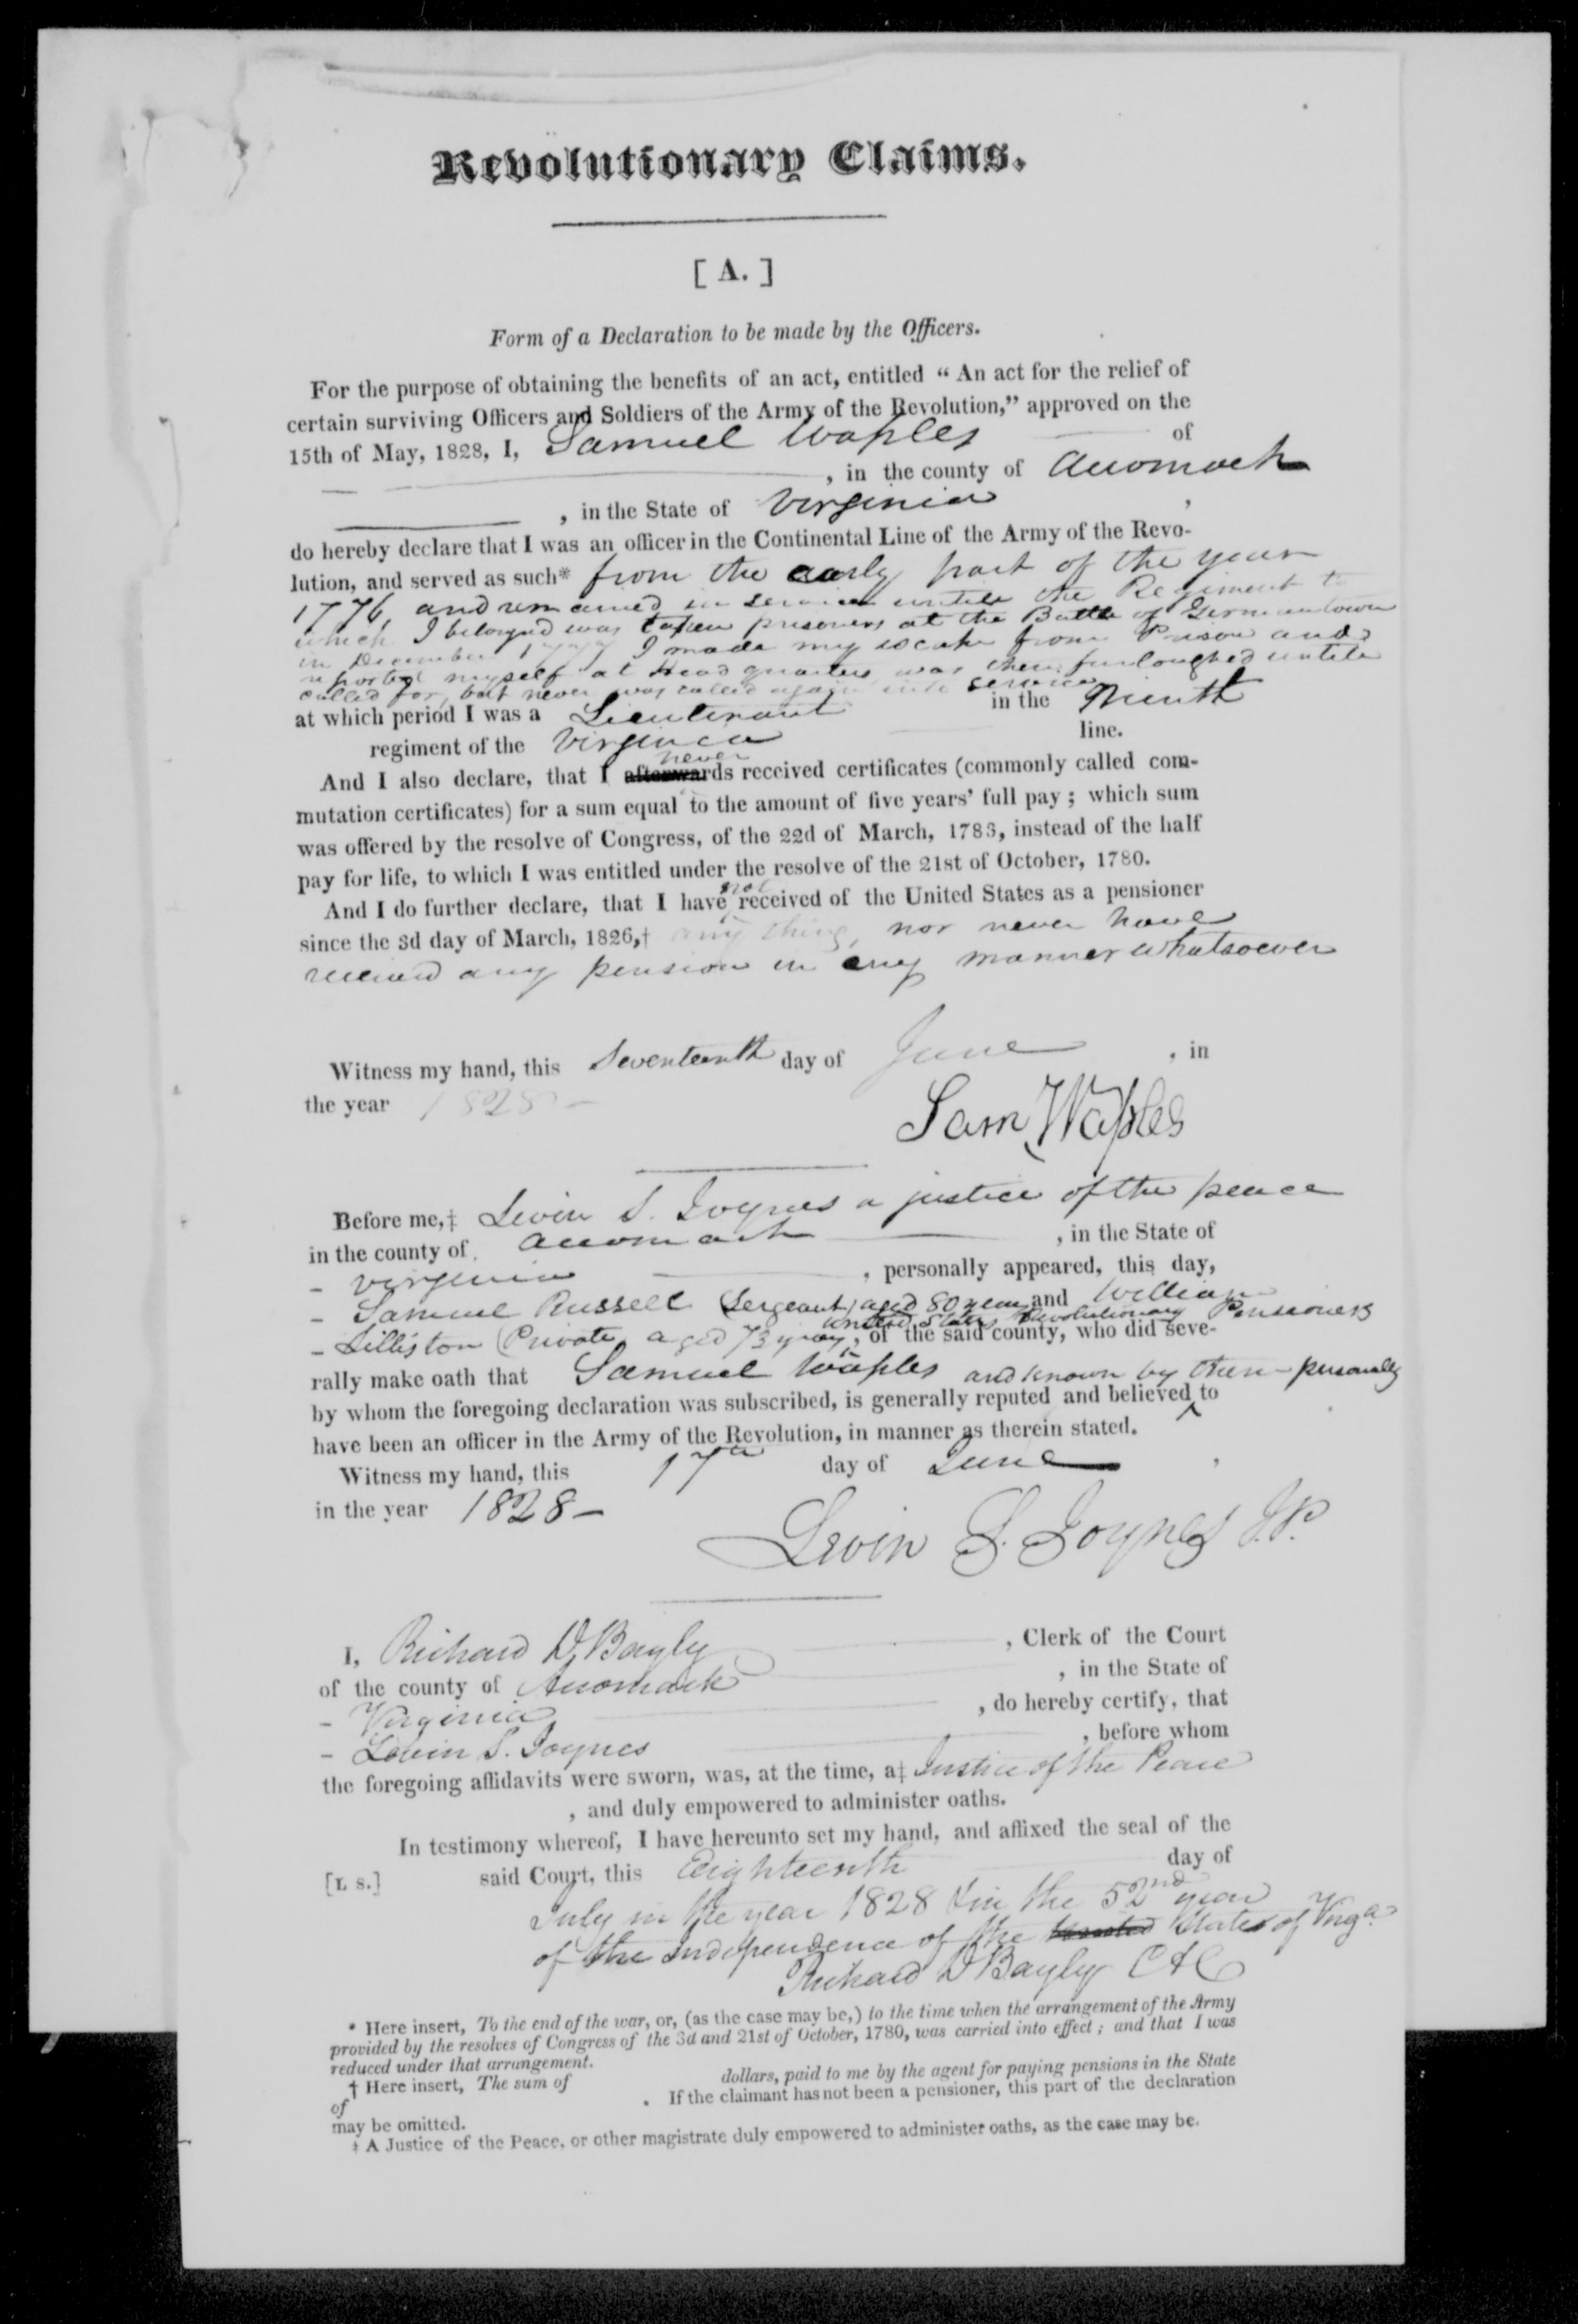Revolutionary Claims.
[ A. ]

Form of a Declaration to be made by the Officers.

For the purpose of obtaining the benefits of an act, entitled "An act for the relief of certain surviving officers and Soldiers of the Army of the Revolution," approved on the 15th of May, 1828, I, Samuel Waples, in the county of Accomack, in the State of Virginia do hereby declare that I was an officer in the Continental Line of the Army of the Revolution, and served as such✺ from the early part of the year 1776, and remained in service until the Regiment to which I belonged was taken prisoners at the Battle of Germantown in December 1777 I made my escape from Prison and reported myself at Headquarters was then furloughed until called for, but never was called again into service at which period I was a Lieutenant in the Ninth regiment of the Virginia line.
And I also declare, that I never received certificates (commonly called commutation certificates) for a sum equal to the amount of five years' full pay; which sum was offered by the resolve of Congress, of the 22d of March, 1783, instead of the half pay for life, to which I was entitled under the resolve of the 21st of October, 1780.
And I do further declare, that I have not received of the United States as a pensioner since the 3d day of March, 1826,☨ any thing, nor never have received any pension in any manner whatsoever

Witness my hand, this Seventeenth day of June, in the year 1825 -
Sam Waples

Before me,‡ Levin S. Joynes a justice of the peace in the county of Accomack, in the State of Virginia, personally appeared, this day, Samuel Russell Sergeant, aged 80 years and William Lilliston (Private aged 73 years, United States Revolutionary Pensioners, of the said county, who did severally make oath that Samuel Waples by whom the foregoing declaration was subscribed, is generally reputed and believed and known by then personally to have been an officer in the Army of the Revolution, in manner as therein stated.
Witness my hand, this 17th day of June in the year 1828 -
Levin S. Joynes J. P.

I, Richard D. Bayly, Clerk of the Court of the county of Accomack, in the State of Virginia, do hereby certify, that Levin S. Joynes, before whom the foregoing affidavits were sworn, was, at the time, a Justice of the Peace and duly empowered to administer oaths.
In testimony whereof, I have hereunto set my hand, and affixed the seal of the 
[L. S.] said Court, this Eighteenth day of July in the year 1828 & in the 52nd year of the Independence of the State of Virg'a.
Richard D Bayly C. A. C.


✺ Here insert, To the end of the war, or (as the case may be) to the time when the arrangement of the Army provided by the resolves of Congress of the 3d and 21st of October, 1780, was carried into effect; and that I was reduced under that arrangement.

☨ Here insert,  The sum of _______ dollars, paid to me by the agent for paying pensions in the State of ________________________. If the claimant has not been a pensioner, this part of the declaration may be omitted

‡ A Justice of the Peace, or other magistrate duly empowered to administer oaths, as the case may be.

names: Richard W Bayly, Samuel Waples, William Lilliston, William Lilliston, Levin S Joynes, Levin S Joynes, Richard W Bayly, Levin S Joynes, Sam Waples, Samuel Russell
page: 20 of 59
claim: widow's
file: W. 6427, Samuel Waples, Va.